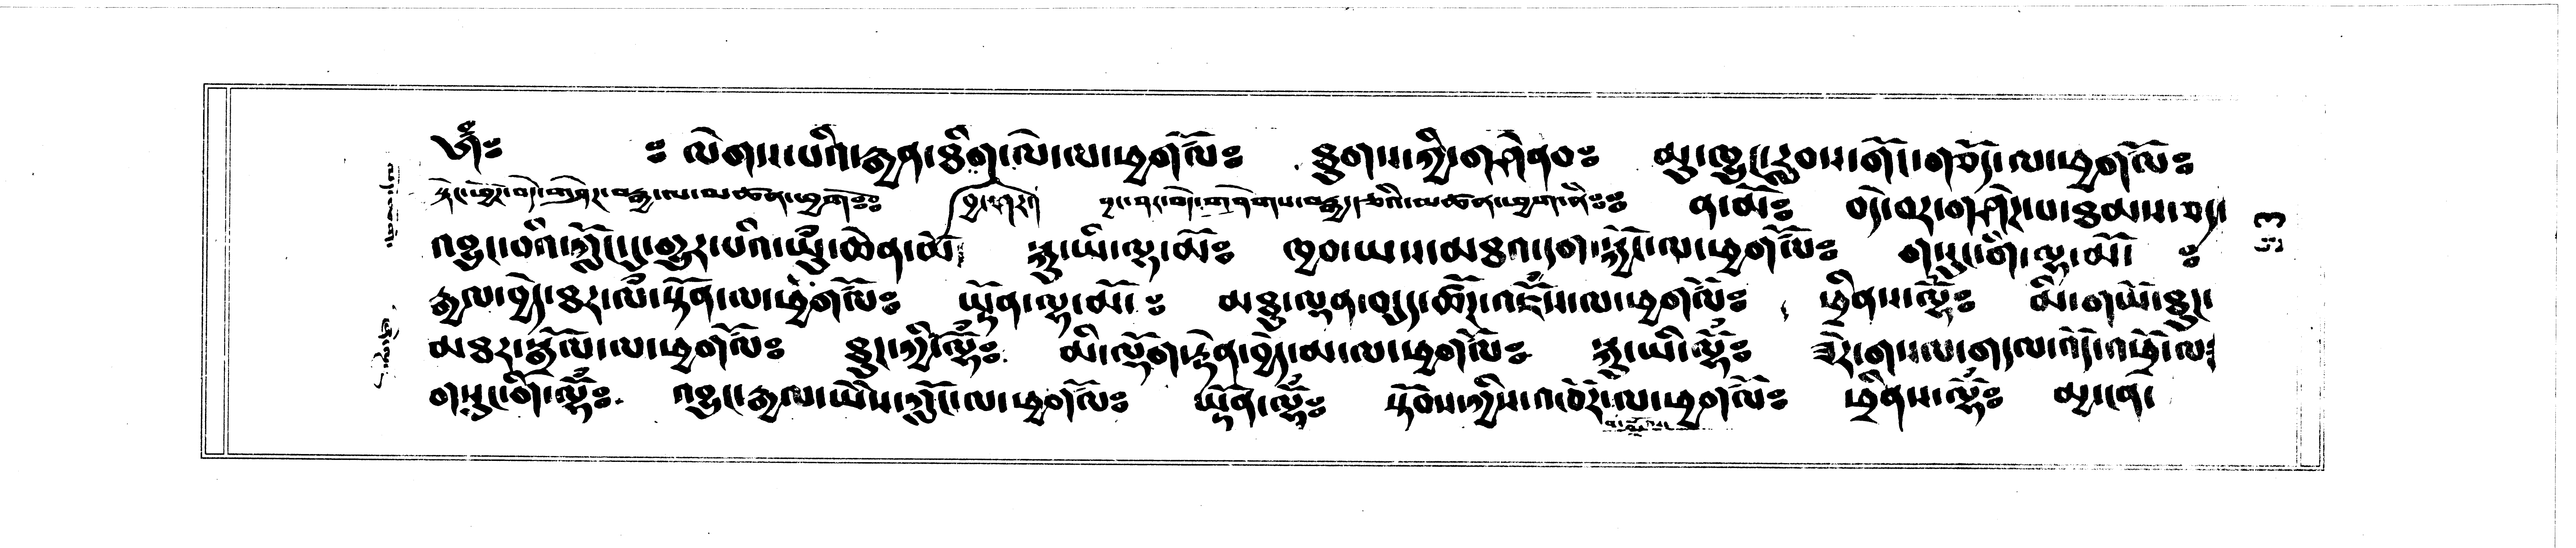ལེགས་པའི་རྒྱན་ཐིག་ལེ་ལ་ཕྱག་འཚལ་ལོཿ ཐུགས་ཀྱི་གཤེན་རབཿ མུ་ཁྱུང་རླབས་གོང་གཅོད་ལ་ཕྱག་འཚལ་ལོཿ 
སྟེང་ཕྱོགས་བདེར་གཤེགས་བརྒྱ་ལ་མཚན་ཕྱག་གོཿ ༼བྱང་ཤར༽བྱང་ཤར་བདེར་གཤེགས་བརྒྱ་རྩའི་མཚན་ཕྱག་ནིཿ ན་མོ་བདེ་བར་གཤེགས་པ་ཐམས་ཅད་ཀློང་དུ་
འབྱུང་བའི་ཡུམ་ཆེན་མོཿ སྐུ་ཡི་ལྷ་མོཿ ཁྱབ་ཡས་མཐའ་དག་སྐྱོང་ལ་ཕྱག་འཚལ་ལོཿ གསུང་གི་ལྷ་མོཿ 
རྒྱལ་བྱེད་ཐར་ལམ་སྟོན་ལ་ཕྱག་འཚལ་ལོཿ ཡོན་ཏན་གྱི་ལྷ་མོཿ མཐུ་ལྡན་བདུད་ཚོགས་འཇོམས་ལ་ཕྱག་འཚལ་ལོཿ ཕྲིན་ལས་ཀྱི་ལྷ་མོཿ མི་གཡོ་ཐུགས་
མཐར་སྒྲོལ་ལ་ཕྱག་འཚལ་ལོཿ ཐུགས་ཀྱི་ལྷ་མོཿ མི་ལྡོག་བརྟན་བྱེད་མ་ལ་ཕྱག་འཚལ་ལོཿ སྐུ་ཡི་ལྷ་མོཿ ཟེར་གསལ་བདལ་འོད་འཕྲོ་ལ་ཕྱག་འཚལ་ལོཿ 
གསུང་གི་ལྷ་མོཿ འབྱུང་རྒྱལ་ཡེ་ཤེས་ཀློང་ལ་ཕྱག་འཚལ་ལོཿ ཡོན་ཏན་གྱི་ལྷ་མོཿ སྟོབས་ཀྱིས་འཁོར་བ་སྒྲོལ་ཕྱག་འཚལ་ལོཿ ཕྲིན་ལས་ཀྱི་ལྷ་མོཿ མྱང་ངན་